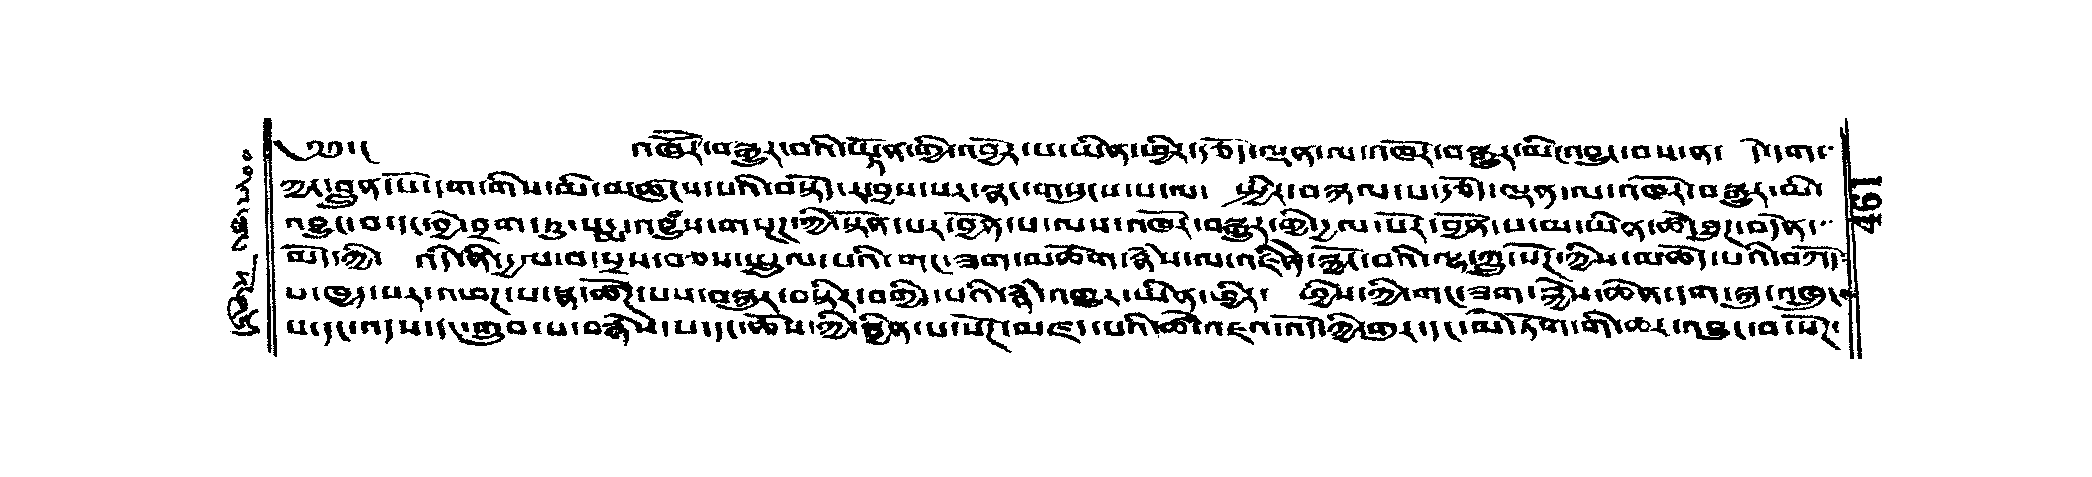འཁོར་ལོས་བསྒྱུར་བའི་ཡོན་ཏན་གྱི་འབྱོར་པ་ཡིན་ཕྱིར་རྩོད་ལྡན་ལ་འཁོར་བསྒྱུར་མི་འབྱུང་བས་ན་། དེ་དག་
ཀྱང་བླུན་པོ་དག་གིས་མི་མཚུངས་པའི་བསྟོད་ར་བྱས་པར་སྣང་གསུངས་པ་ལ། སྤྱིར་བསྐལ་པ་རྩོད་ལྡན་ལ་འཁོར་བསྒྱུར་མི་
འབྱུང་བ་དང་བྱེ་བྲག་ཏུ་པདྨ་འབྱུང་གནས་གསང་སྔགས་ཀྱི་སྟོན་པར་བྱོན་པ་ལས་འཁོར་བསྒྱུར་གྱི་རྒྱལ་པོར་བྱོན་པ་མ་ཡིན་ཚེ་ཐུགས་བདེན་
མོད་ཀྱི། འདི་ནི་རྒྱལ་བ་སྲས་བཅས་སྤྲུལ་པའི་གང་ཟག་མཆོག་རྣམས་ལ་འཇིག་རྟེན་སྐྱོང་བའི་ལྷ་ཀླུ་སོགས་ཀྱིས་མཆོད་པའི་བཀོད་
པ་ཁྱད་པར་འཕགས་པ་སྣ་ཚོགས་པས་བསྐུར་བསྟིར་བགྱིད་པའི་རྣམ་འགྱུར་ཡིན་ཕྱིར། ཕྱིས་ཀྱི་གང་ཟག་སྐྱེས་ཆེན་དག་སྐུ་འཁྲུངས་
པ་དང་འདས་དང་གྲུབ་པ་བརྙེས་པ་དང་ཆོས་ཀྱི་སྦྱིན་པ་སོགས་མཛད་པའི་ཚེ་འཇའ་འོད་ཀྱི་གུར་དང་མེ་ཏོག་གི་ཆར་འབྱུང་བ་སོགས་